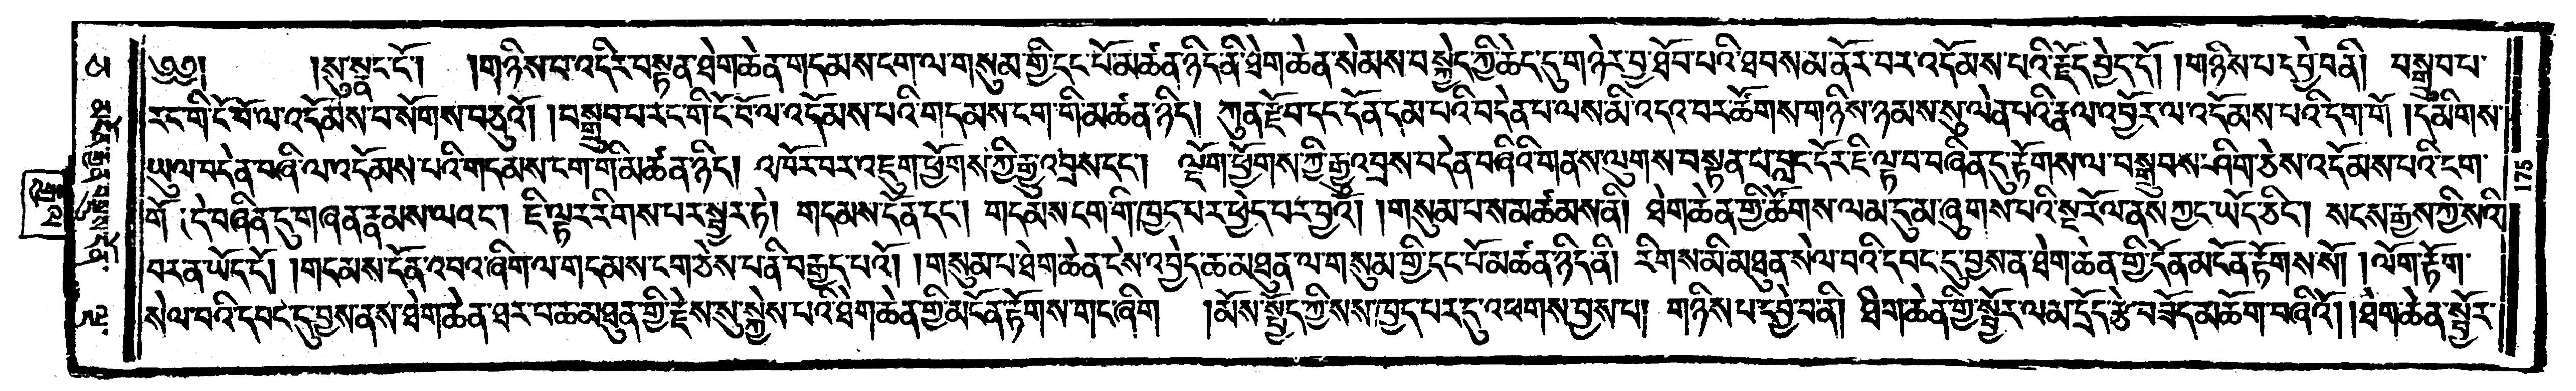༄༅། །སུ་སྣང་ངོ། །གཉིས་པ་འདིར་བསྟན་ཐེག་ཆེན་གདམས་ངག་ལ་གསུམ་གྱི་དང་པོ་མཚན་ཉིད་ནི་ཐེག་ཆེན་སེམས་བསྐྱེད་ཀྱི་ཆེད་དུ་གཉེར་བྱ་ཐོབ་པའི་ཐབས་མ་ནོར་བར་འདོམས་པའི་རྗོད་བྱེད་དོ། །གཉིས་པ་དབྱེ་བ་ནི། བསྒྲུབ་པ་
རང་གི་ངོ་བོ་ལ་འདོམས་པ་སོགས་བཅུའོ། །བསྒྲུབ་པ་རང་གི་ངོ་བོ་ལ་འདོམས་པའི་གདམས་ངག་གི་མཚན་ཉིད། ཀུན་རྫོབ་དང་དོན་དམ་པའི་བདེན་པ་ལས་མི་འདའ་བར་ཚོགས་གཉིས་ཉམས་སུ་ལེན་པའི་རྣལ་འབྱོར་ལ་འདོམས་པའི་དག་གོ །དམིགས་
ཡུལ་བདེན་བཞི་ལ་འདོམས་པའི་གདམས་ངག་གི་མཚན་ཉིད། འཁོར་བར་འཇུག་ཕྱོགས་ཀྱི་རྒྱུ་འབྲས་དང་། ལྡོག་ཕྱོགས་ཀྱི་རྒྱུ་འབྲས་བདེན་བཞིའི་གནས་ལུགས་བསྟན་པ་བླང་དོར་ཇི་ལྟ་བ་བཞིན་དུ་རྟོགས་ལ་བསྒྲུབས་ཤིག་ཅེས་འདོམས་པའི་ངག་
གོ །དེ་བཞིན་དུ་གཞན་རྣམས་ལའང་། ཇི་ལྟར་རིགས་པར་སྦྱར་ཏེ། གདམས་དོན་དང་། གདམས་ངག་གི་ཁྱད་པར་ཕྱེད་པར་བྱའོ། །གསུམ་པ་ས་མཚམས་ནི། ཐེག་ཆེན་གྱི་ཚོགས་ལམ་དུ་མ་ཞུགས་པའི་སྔ་རོལ་ནས་ཀྱང་ཡོད་ཅིང་། སངས་རྒྱས་ཀྱི་སའི་
བར་ན་ཡོད་དོ། །གདམས་དོན་འབའ་ཞིག་ལ་གདམས་ངག་ཅེས་པ་ནི་བརྒྱད་པའོ། །གསུམ་པ་ཐེག་ཆེན་ངེས་འབྱེད་ཆ་མཐུན་ལ་གསུམ་གྱི་དང་པོ་མཚན་ཉིད་ནི། རིགས་མི་མཐུན་སེལ་བའི་དབང་དུ་བྱས་ན་ཐེག་ཆེན་གྱི་དོན་མངོན་རྟོགས་སོ། །ལོག་རྟོག་
སེལ་བའི་དབང་དུ་བྱས་ནས་ཐེག་ཆེན་ཐར་པ་ཆ་མཐུན་གྱི་རྗེས་སུ་སྐྱེས་པའི་ཐེག་ཆེན་གྱི་མངོན་རྟོགས་གང་ཞིག །མོས་སྤྱོད་ཀྱི་སས་ཁྱད་པར་དུ་འཕགས་བྱས་པ། གཉིས་པ་དབྱེ་བ་ནི། ཐེག་ཆེན་གྱི་སྦྱོར་ལམ་དྲོད་རྩེ་བཟོད་མཆོག་བཞིའོ། །ཐེག་ཆེན་སྦྱོར་